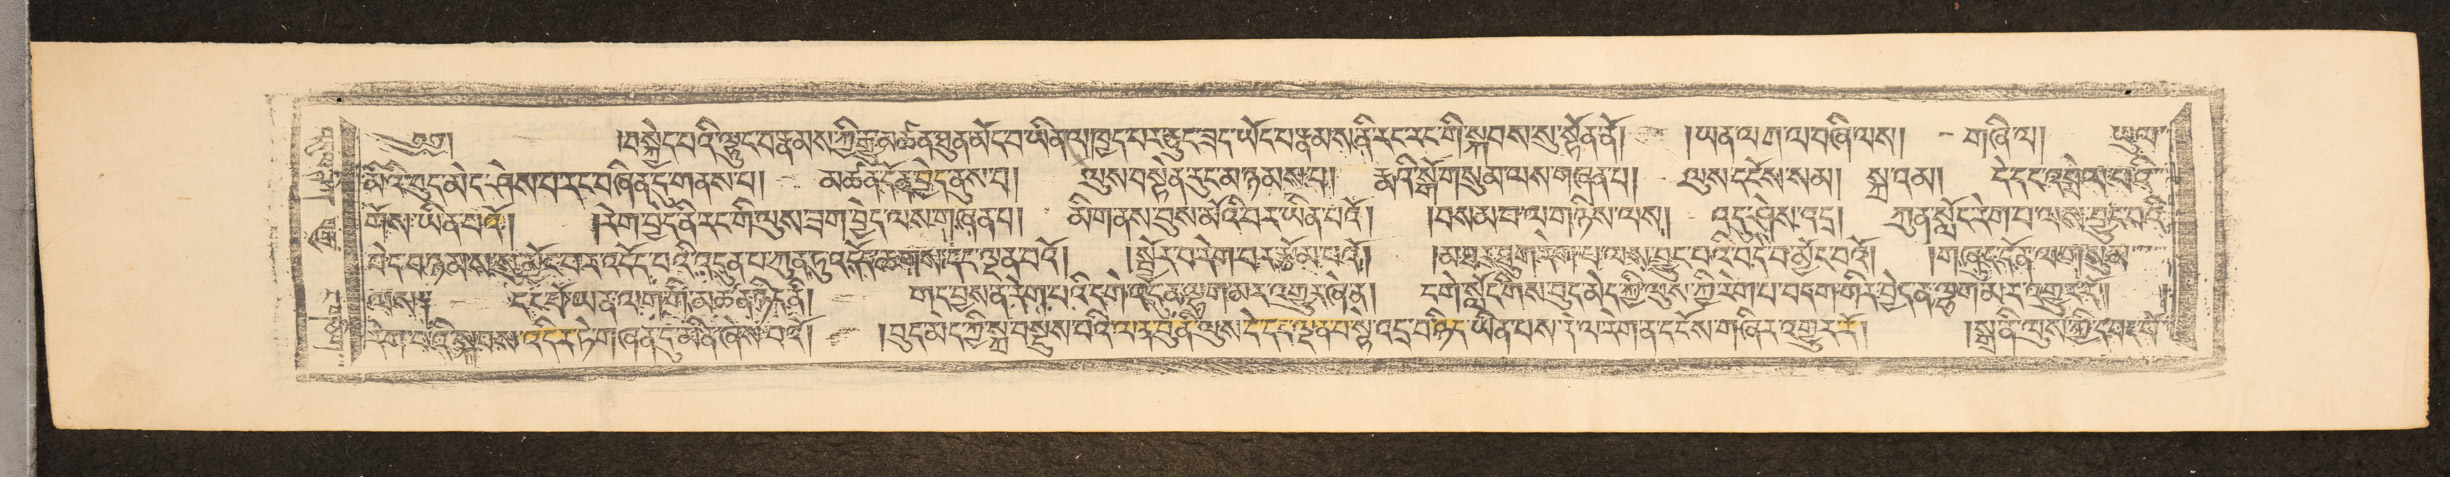༄༅། །བསྐྱེད་པའི་ལྟུང་བ་རྣམས་ཀྱི་རྒྱུ་མཚན་ཐུན་མོང་བ་ཡིན་ལ་ཁྱད་པར་ཅུང་ཟད་ཡོད་པ་རྣམས་ནི་རང་རང་གི་སྐབས་སུ་སྟོན་ནོ། །ཡན་ལག་ལ་བཞི་ལས། གཞི་ལ། ཡུལ་
མིའི་བུད་མེད་ཤེས་པ་རང་བཞིན་དུ་གནས་པ། མཚན་དོན་བྱེད་ནུས་པ། ལུས་བསྟེན་རུང་མ་ཉམས་པ། རྨའི་སྒོ་གསུམ་ལས་གཞན་པ། ལུས་དངོས་སམ། སྐྲ་འམ། དེ་དང་འབྲེལ་པའི་
གོས་ཡིན་པའོ། །རེག་བྱེད་ནི་རང་གི་ལུས་ཟག་བྱེད་ལས་གཞན་པ། མིག་ནས་པུས་མོའི་པར་ཡིན་པའོ། །བསམ་པ་ལ་གཉིས་ལས། འདུ་ཤེས་འདྲ། ཀུན་སློང་རེག་པ་ལས་བྱུང་བའི་
བདེ་བ་ཉམས་སུ་མྱོང་བར་འདོད་པའི་འདུན་པ་ཀུན་ཏུ་འདོད་ཆགས་དང་ལྡན་པའོ། །སྦྱོར་བ་རེག་བར་རྩོམ་པའོ། །མཐར་ཐུག་རེག་པ་ལས་བྱུང་བའི་བདེ་བ་མྱོང་བའོ། །གཞུང་དོན་ལ་གསུམ་
ལས༑ དང་པོ་ཡན་ལག་གི་མཚན་ཉིད་ནི། གང་བྱས་ན་རེག་པའི་དགེ་འདུན་ལྷག་མར་འགྱུར་ཞེན། དགེ་སློང་གིས་བུད་མེད་ཀྱི་ལུས་ཀྱི་རེག་པ་བདག་གིར་བྱེད་ན་ལྷག་མར་འགྱུར་རོ། །
རེག་པའི་སྐབས་འདིར་ཏེ་གཞན་དུ་མིན་ཞེས་པའོ། །བུད་མེད་ཀྱི་སྐྲ་བསྡུས་པའི་ལན་བུ་ནི་ལུས་དེ་དང་ལྡན་པ་སྟེ་འདྲ་བ་ཉིད་ཡིན་པས་དེ་ལ་རེག་ན་དངོས་གཞིར་འགྱུར་རོ། །སྐྲ་ནི་ལུས་ཀྱི་དབང་པོ་